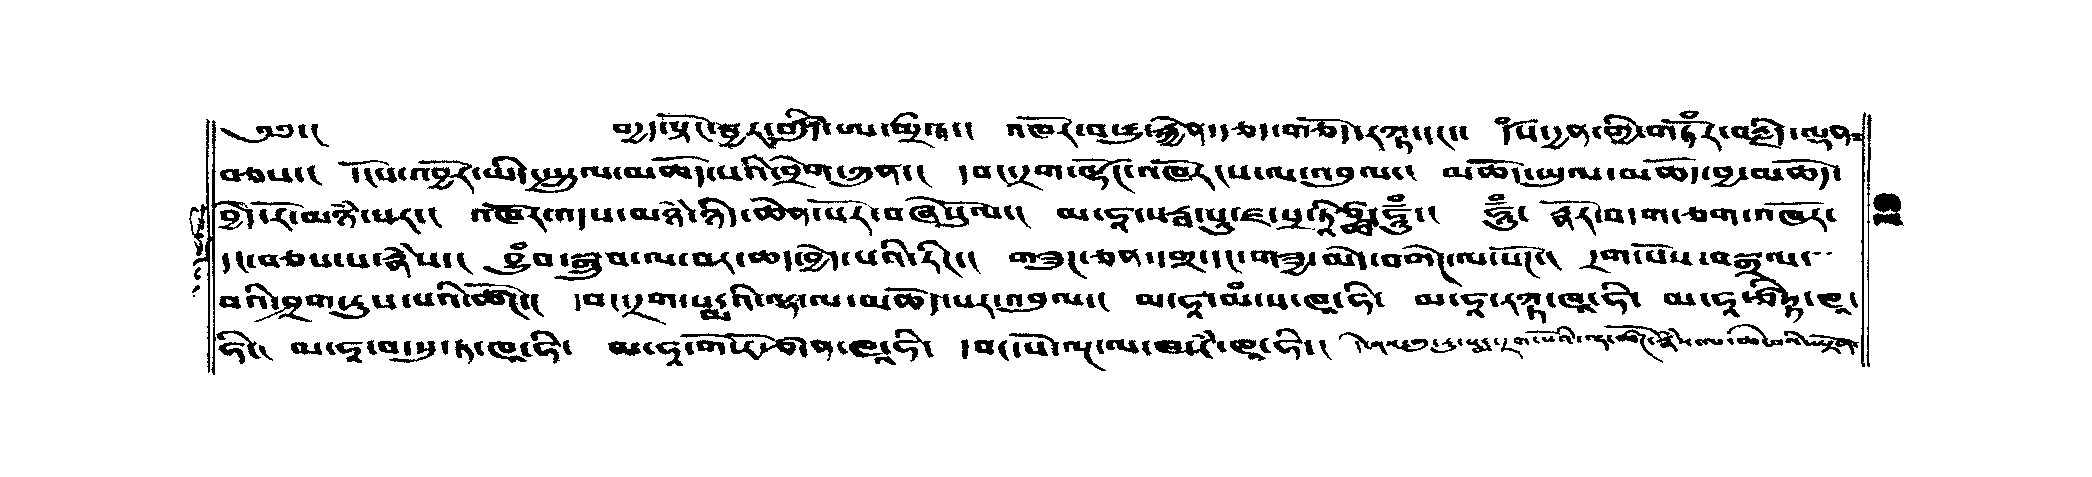བརྒྱད་སྟོང་སྦྱར་བདུད་རྩི་ཨ་མྲྀ་ཏ། །འཁོར་བ་རྒྱུ་རྐྱེན་རྩད་གཅོད་རཀྟ་དང་། །དམ་རྗས་རྒྱན་གྱི་གཏོར་མ་བརྗིད་ལྡན་
བཅས། །དངོས་འབྱོར་ཡིད་སྤྲུལ་མཆོད་པའི་བྱེ་བྲག་ཀུན། །དབང་དྲག་ལྷ་ཚོགས་འཁོར་དང་བཅས་ལ་འབུལ། །མཆོད་ཡུལ་མཆོད་བྱ་མཆོད་
བྱེད་རོ་མཉམ་པར། །འཁོར་འདས་མཉམ་ཉིད་ཆེན་པོར་བཞེས་སུ་གསོལ། །མ་ཧཱ་སརྦ་པུ་ཛ་པྲ་ཏཱི་ཙྪ་ཧཱུྃ། ཧཱུྃ། རྣལ་འབྱོར་བདག་ཅག་འཁོར་
དང་བཅས་པ་རྣམས། །བྱང་ཆུབ་སྒྲུབ་ལ་བར་ཆད་བྱེད་པའི་རིགས། །གཟུགས་ཅན་དགྲ་དང་གཟུགས་མེད་བགེགས་ལ་སོགས། །དྲག་པོས་བསྒྲལ་
བའི་ཤ་ཁྲག་རུས་པའི་ཚོགས། །དབང་དྲག་པདྨའི་ལྷ་ལ་མཆོད་པར་འབུལ། །མ་ཧཱ་མཾ་ས་ཁཱ་ཧི། མ་ཧཱ་རཀྟ་ཁཱ་ཧི། མ་ཧཱ་ཙིཏྟ་ཁཱ་
ཧི། མ་ཧཱ་བ་སུ་ཏ་ཁཱ་ཧི། མ་ཧཱ་གོ་རོ་ཙ་ན་ཁཱ་ཧི། དེ་ནས་གུ་རུ་པདྨ་དྲག་པོའི་ལྷ་ཚོགས་རྣམས་ལ་ཆེ་བའི་ཡོན་ཏན་ལ་